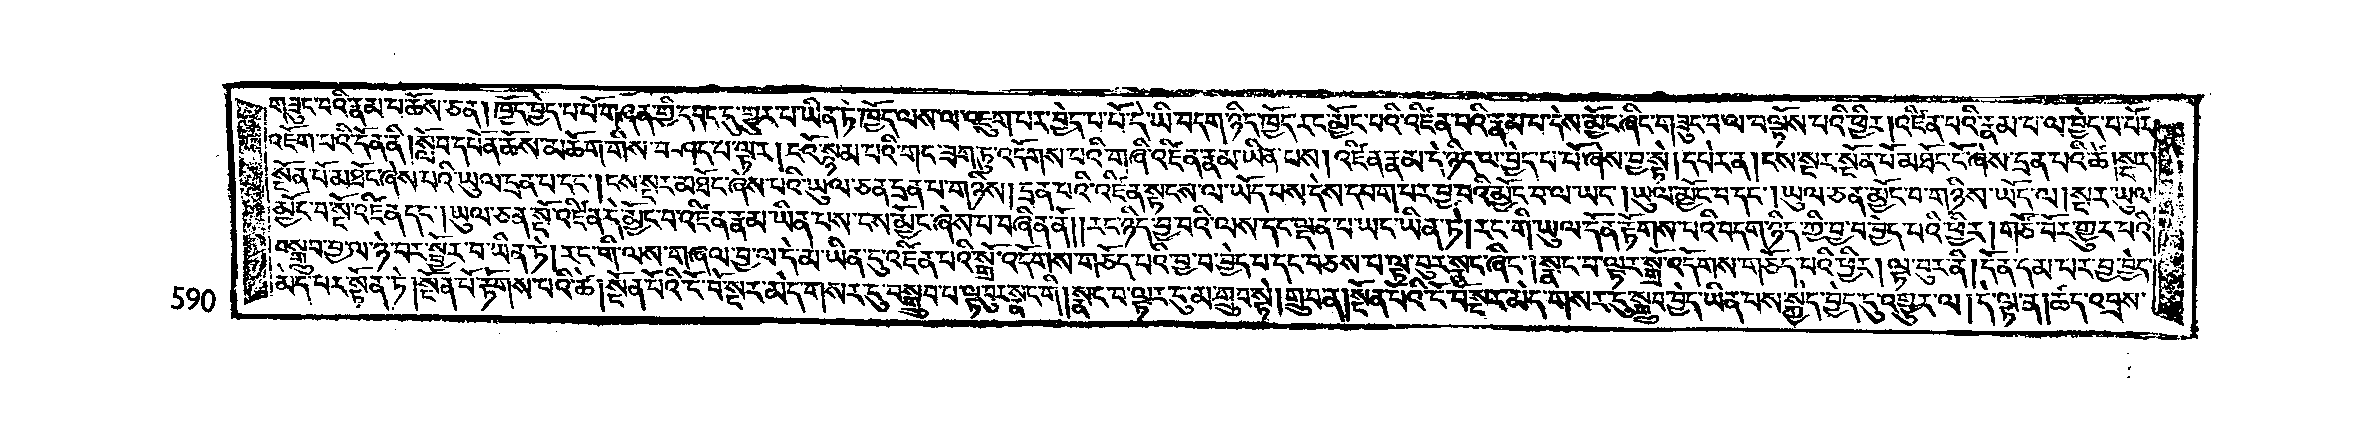གཟུང་བའི་རྣམ་པ་ཆོས་ཅན། ཁྱོད་བྱེད་པ་པོ་གཞན་གྱི་དབང་དུ་གྱུར་པ་ཡིན་ཏེ་ཁྱོད་ལས་ལ་འཇུག་པར་བྱེད་པ་པོ་ད་ཡི་བདག་ཉིད་ཁྱོད་རང་མྱོང་པའི་འཛིན་པའི་རྣམ་པ་དེས་མྱོང་ཞིང་གཟུང་བ་ལ་བལྟོས་པའི་ཕྱིར། འཛིན་པའི་རྣམ་པ་ལ་བྱེད་པ་པོར་
འཇོག་པའི་དོན་ནི། སློབ་དཔོན་ཆོས་མཆོག་གིས་བཤད་པ་ལྟར། ངའི་སྙམ་པའི་གང་ཟག་ཏུ་འདོགས་པའི་གཞི་འཛིན་རྣམ་ཡིན་པས། འཛིན་རྣམ་དེ་ཉིད་ལ་བྱེད་པ་པོ་ཞེས་བྱ་སྟེ། དཔེར་ན། ངས་སྔར་སྔོན་པོ་མཐོང་ངོ་ཞེས་དྲན་པའི་ཚེ། སྔར་
སྔོན་པོ་མཐོང་ཞེས་པའི་ཡུལ་དྲན་པ་དང་། ངས་སྔར་མཐོང་ཞེས་པའི་ཡུལ་ཅན་དྲན་པ་གཉིས། དྲན་པའི་འཛིན་སྟངས་ལ་ཡོད་པས་དེས་དཔག་པར་བྱ་བའི་མྱོང་བ་ལ་ཡང་། ཡུལ་མྱོང་བ་དང་། ཡུལ་ཅན་མྱོང་བ་གཉིས་ཡོད་ལ། སྔར་ཡུལ་
མྱོང་བ་སྔོ་འཛིན་དང་། ཡུལ་ཅན་སྔོ་འཛིན་དེ་མྱོང་བ་འཛིན་རྣམ་ཡིན་པས་ངས་མྱོང་ཞེས་པ་བཞིན་ནོ། །རང་ཉིད་བྱ་བའི་ལས་དང་ལྡན་པ་ཡང་ཡིན་ཏེ། རང་གི་ཡུལ་དོན་རྟོགས་པའི་བདག་ཉིད་ཀྱི་བྱ་བ་བྱེད་པའི་ཕྱིར། གཙོ་བོར་ཀྱུར་པའི་
བསྒྲུབ་བྱ་ལ་ཉེ་བར་སྦྱོར་བ་ཡིན་ཏེ། རང་གི་ལས་གཞལ་བྱ་ལ་དེ་མ་ཡིན་དུ་འཛིན་པའི་སྒྲོ་འདོགས་གཅོད་པའི་བྱ་བ་བྱེད་པ་དང་བཅས་པ་ལྟ་བུར་སྣང་ཞིང་། སྣང་བ་ལྟར་སྒྲོ་འདོགས་གཅོད་པའི་ཕྱིར། ལྟ་བུར་ནི། དོན་དམ་པར་བྱ་བྱེད་
མེད་པར་སྟོན་ཏེ། སྔོན་པོ་རྟོགས་པའི་ཆེ། སྔོན་པོའི་ངོ་བོ་སྔར་མེད་གསར་དུ་བསྒྲུབ་པ་ལྟ་བུར་སྣང་གི། སྣང་བ་ལྟར་དུ་མ་གྲུབ་སྟེ། གྲུབ་ན། སྔོན་པོའི་ངོ་བོ་སྔར་མེད་གསར་དུ་སྒྲུབ་བྱེད་ཡིན་པས་སྐྱེད་བྱེད་དུ་འགྱུར་ལ། དེ་ལྟ་ན། ཚད་འབྲས་